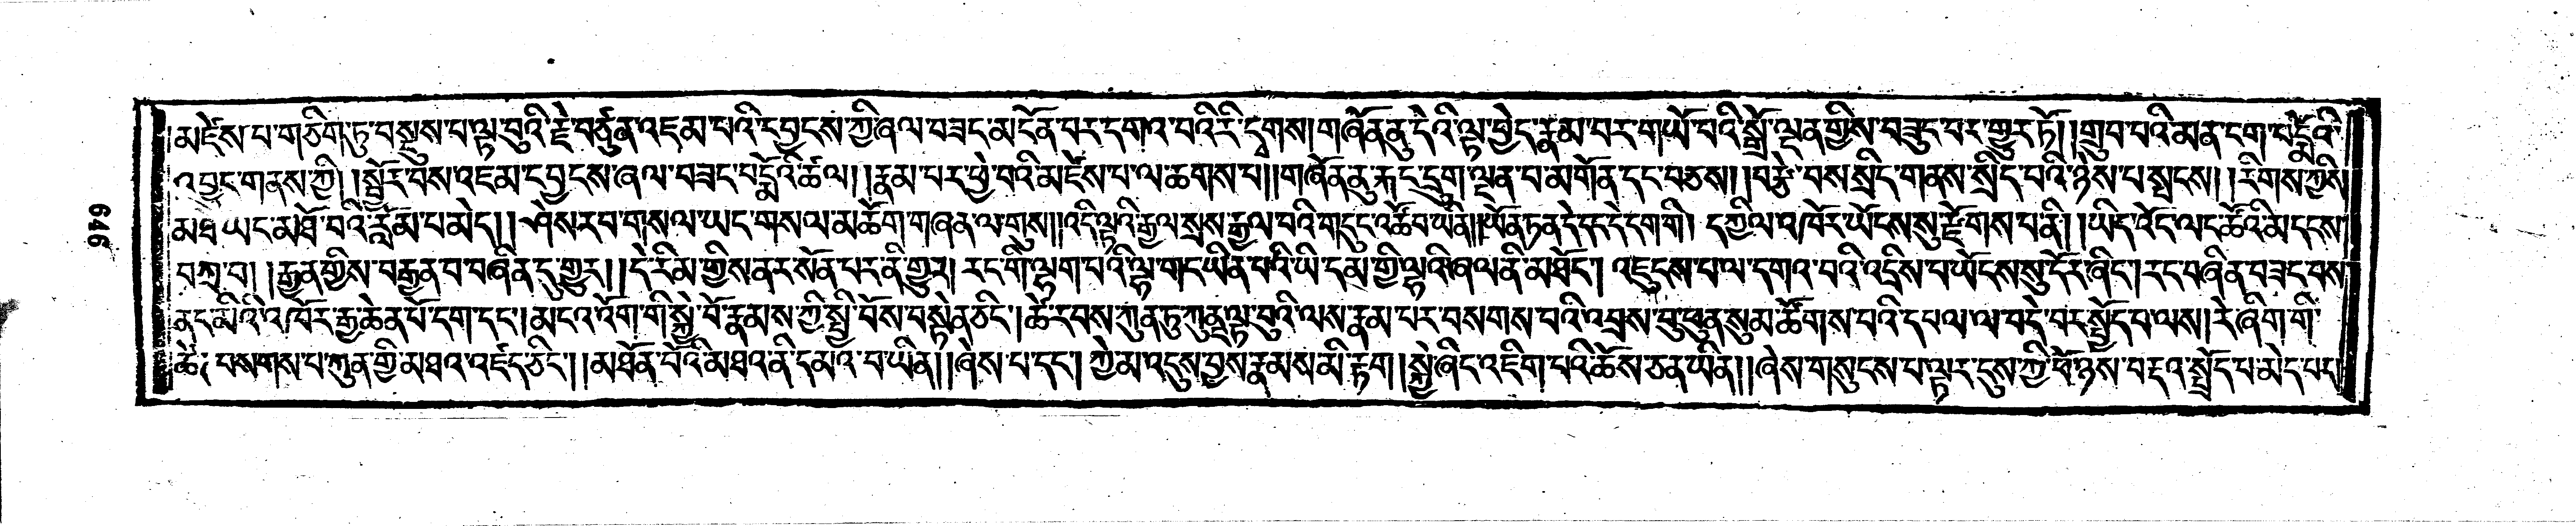མཛེས་པ་གཅིག་ཏུ་བསྡུས་པ་ལྟ་བུའི་རྗེ་བཙུན་འཇམ་པའི་དབྱངས་ཀྱི་ཞལ་བཟང་མངོན་པར་དགའ་བའི་རི་དྭགས། གཞོན་ནུ་དེའི་ལྟ་བྱེད་རྣམ་པར་གཡོ་བའི་སྒྲོ་ལྡན་གྱིས་བཟུང་བར་གྱུར་ཏོ། །གྲུབ་པའི་མན་ངག་པདམོའི་
འབྱུང་གནས་ཀྱི། །སྦྱོར་བས་འཇམ་དབྱངས་ཞལ་བཟང་པདམོའི་ཚལ། །རྣམ་པར་ཕྱེ་བའི་མཛེས་པ་ལ་ཆགས་པ། །གཞོན་ནུ་རྐང་དྲུག་ལྡན་པ་མགོན་དང་བཅས། །བརྩེ་བས་སྲིད་གནས་སྲིད་པའི་ཉེས་པ་སྤངས། །རིགས་ཀྱིས་
མཐོ་ཡང་མཐོ་བའི་རློམ་པ་མེད། །ཤེས་རབ་གསལ་ཡང་གསལ་མཆོག་གཞན་ལ་གུས། །འདི་ལྟའི་རྒྱལ་སྲས་རྒྱལ་བའི་གདུང་འཚོ་བ་ཡིན། །ཡོན་ཏན་དེ་དང་དེ་དག་གི །དཀྱིལ་འཁོར་ཡོངས་སུ་རྫོགས་པ་ནི། །ཡིད་འོང་ལང་ཚོའི་མདངས་
བཀྲ་བ། །རྒྱན་གྱིས་བརྒྱན་པ་བཞིན་དུ་གྱུར། །དེ་རིམ་གྱིས་ནར་སོན་པར་ནི་གྱུར། རླུགན་གི་ལྷག་པའི་ལྷ་གང་ཡིན་པའི་ཡི་དམ་གྱི་ལྷའི་ཞལ་ནི་མཐོང་། འཇུངས་པ་ལ་དགའ་བའི་འདྲིས་པ་ཡོངས་སུ་དོར་ཞིང་། རང་བཞིན་བཟང་བས་
ནང་མིའི་འཁོར་རྒྱ་ཆེན་པོ་དག་དང་། མངའ་འོག་གི་སྐྱེ་བོ་རྣམས་ཀྱི་སྤྱི་བོས་བསྟེན་ཅིང་། ཚེ་རབས་ཀུན་ཏུ་ཀུནྡ་ལྟ་བུའི་ལས་རྣམ་པར་བསགས་པའི་འབྲས་བུ་ཕུན་སུམ་ཚོགས་པའི་དཔལ་ལ་བདེ་བར་སྤྱོད་པ་ལས། རེ་ཞིག་གི་
ཚེ། བསགས་པ་ཀུན་གྱི་མཐའ་འཛད་ཅིང་། །མཐོན་པོའི་མཐའ་ནི་དམའ་བ་ཡིན། །ཞེས་པ་དང་། ཀྱེ་མ་འདུས་བྱས་རྣམས་མི་རྟག །སྐྱེ་ཞིང་འཇིག་པའི་ཆོས་ཅན་ཡིན། །ཞེས་གསུངས་པ་ལྟར་དུས་ཀྱི་ཕོ་ཉས་བརྡའ་སྤྲོད་པ་མེད་པར་